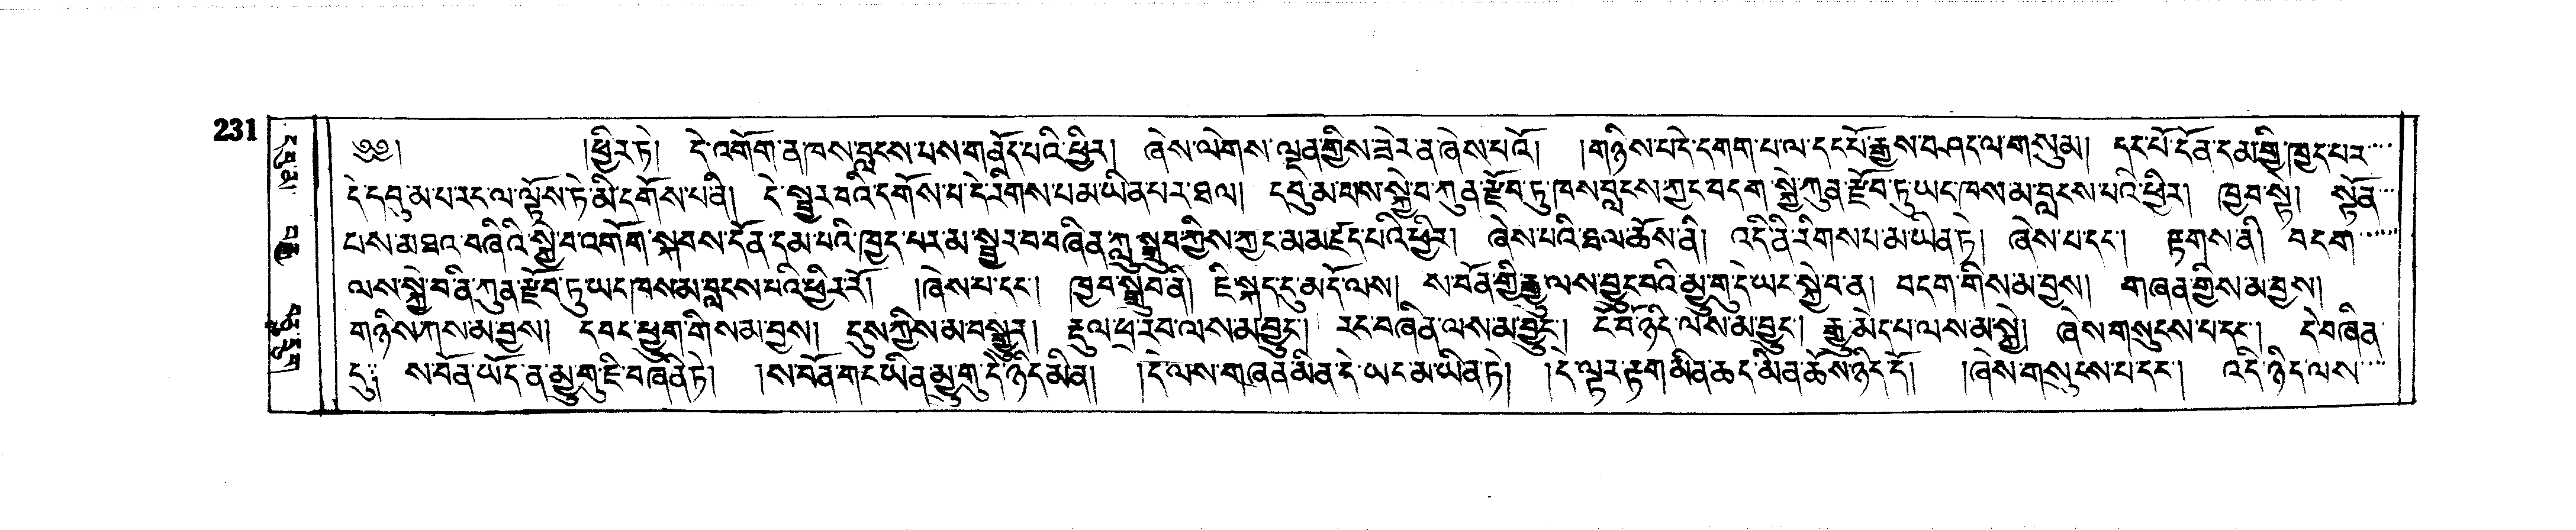༄༅། །ཕྱིར་ཏེ། དེ་འགོག་ན་ཁས་བླངས་པས་གནོད་པའི་ཕྱིར། ཞེས་ལེགས་ལྡན་གྱིས་ཟེར་ན་ཞེས་པའོ། །གཉིས་པ་དེ་དགག་པ་ལ་དང་པོ་རྒྱས་བཤད་ལ་གསུམ། དང་པོ་དོན་དམ་གྱི་ཁྱད་པར་
དེ་དབུ་མ་པ་རང་ལ་ལྟོས་ཏེ་མི་དགོས་པ་ནི། དེ་སྦྱར་བའི་དགོས་པ་དེ་རིགས་པ་མ་ཡིན་པར་ཐལ། དབུ་མ་པས་སྐྱེ་བ་ཀུན་རྫོབ་ཏུ་ཁས་བླངས་ཀྱང་བདག་སྐྱེ་ཀུན་རྫོབ་ཏུ་ཡང་ཁས་མ་བླངས་པའི་ཕྱིར། ཁྱབ་སྟེ། སྟོན་
པས་མཐའ་བཞིའི་སྐྱེ་བ་འགོག་སྐབས་དོན་དམ་པའི་ཁྱད་པར་མ་སྦྱར་བ་བཞིན་ཀླུ་སྒྲུབ་ཀྱིས་ཀྱང་མ་མཛད་པའི་ཕྱིར། ཞེས་པའི་ཐལ་ཆོས་ནི། འདི་ནི་རིགས་པ་མ་ཡིན་ཏེ། ཞེས་པ་དང་། རྟགས་ནི། བདག་
ལས་སྐྱེ་བ་ནི་ཀུན་རྫོབ་ཏུ་ཡང་ཁས་མ་བླངས་པའི་ཕྱིར་རོ། །ཞེས་པ་དང་། ཁྱབ་སྒྲུབ་ནི། ཇི་སྐད་དུ་མདོ་ལས། ས་བོན་གྱི་རྒྱུ་ལས་བྱུང་བའི་མྱུ་གུ་དེ་ཡང་སྐྱེ་བ་ན། བདག་གིས་མ་བྱས། གཞན་གྱིས་མ་བྱས།
གཉིས་ཀས་མ་བྱས། དབང་ཕྱུག་གིས་མ་བྱས། དུས་ཀྱིས་མ་བསྒྱུར། རྡུལ་ཕྲ་རབ་ལས་མ་བྱུང་། རང་བཞིན་ལས་མ་བྱུང་། ངོ་བོ་ཉིད་ལས་མ་བྱུང་། རྒྱུ་མེད་པ་ལས་མ་སྐྱེ། ཞེས་གསུངས་པ་དང་། དེ་བཞིན་
དུ། ས་བོན་ཡོད་ན་མྱུ་གུ་ཇི་བཞིན་ཏེ། །ས་བོན་གང་ཡིན་མྱུ་གུ་དེ་ཉིད་མིན། །དེ་ལས་གཞན་མིན་དེ་ཡང་མ་ཡིན་ཏེ། །དེ་ལྟར་རྟག་མིན་ཆད་མིན་ཆོས་ཉིད་དོ། །ཞེས་གསུངས་པ་དང་། འདི་ཉིད་ལས་